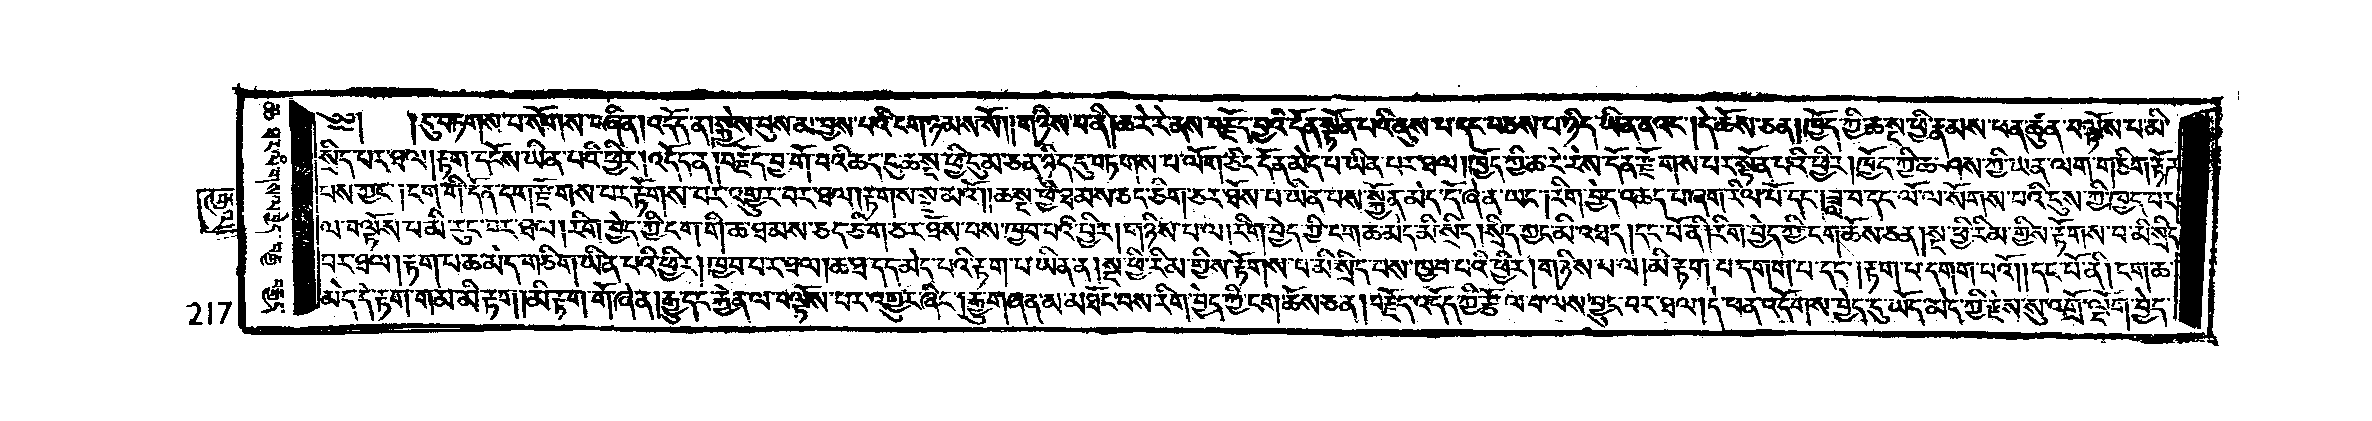༄༅། །དུ་བཏགས་པ་སོགས་བཞིན། འདོད་ན། སྐྱེས་བུས་མ་བྱས་པའི་ངག་ཉམས་སོ། །གཉིས་པ་ནི། ཆ་རེ་རེ་ནས་བརྗོད་བྱའི་དོན་སྟོན་པའི་ནུས་པ་དང་བཅས་པ་ཉིད་ཡིན་ནའང་། དེ་ཆོས་ཅན། ཁྱོད་ཀྱི་ཆ་སྔ་ཕྱི་རྣམས་ཕན་ཚུན་བལྟོས་པ་མི་
སྲིད་པར་ཐལ། རྟག་དངོས་ཡིན་པའི་ཕྱིར། འདོད་ན། བརྗོད་བྱ་གོ་བའི་ཆད་བུ་ཆ་སྔ་ཕྱི་དུ་མ་ཅན་ཉིད་དུ་བཏགས་པ་ལོག་ཅིང་དོན་མེད་པ་ཡིན་པར་ཐལ། ཁྱོད་ཀྱི་ཆ་རེ་རེས་དོན་རྫོགས་པར་སྟོན་པའི་ཕྱིར། ཁྱོད་ཀྱི་ཆ་ཤས་ཀྱི་ཡན་ལག་གཅིག་རྟོཌ་?
པས་ཀྱང་། ངག་གི་དོན་དག་རྫོགས་པར་རྟོགས་པར་འགྱུར་བར་ཐལ། རྟགས་སྔ་མའོ། །ཆ་སྔ་ཕྱི་ཐམས་ཅད་ཅིང་ཆར་ཐོས་པ་ཡིན་པས་སྐྱོན་མེད་དོ་ཞེ་ན་ཡང་། རིག་བྱེད་འཆད་པ་ཞག་རིལ་པོ་དང་། ཟླ་བ་དང་ལོ་ལ་སོགས་པའི་དུས་ཀྱི་ཁྱད་པར་
ལ་བལྟོས་པ་མི་རུང་བར་ཐལ། རིག་བྱེད་ཀྱི་ངག་གི་ཆ་ཐམས་ཅད་ཅིག་ཅར་ཐོས་པས་ཁྱབ་པའི་ཕྱིར། གཉིས་པ་ལ། རིག་བྱེད་ཀྱི་ངག་ཆ་མེད་མི་སྲིད། སྲིད་ཀྱང་མི་འཐད། དང་པོ་ནི། རིག་བྱེད་ཀྱི་ངག་ཆོས་ཅན། སྔ་ཕྱི་རིམ་གྱིས་རྟོགས་པ་མི་སྲིད་
པར་ཐལ། རྟག་པ་ཆ་མེད་གཅིག་ཡིན་པའི་ཕྱིར། ཁྱབ་པར་ཐལ། ཆ་ཐ་དད་མེད་པའི་རྟག་པ་ཡིན་ན། སྔ་ཕྱི་རིམ་གྱིས་རྟོགས་པ་མི་སྲིད་པས་ཁྱབ་པའི་ཕྱིར། གཉིས་པ་ལ། མི་རྟག་པ་དགག་པ་དང་། རྟག་པ་དགག་པའོ། །དང་པོ་ནི། ངག་ཆ་
མེད་དེ་རྟག་གམ་མི་རྟག །མི་རྟག་གོ་ཞེ་ན། རྒྱུ་དང་རྐྱེན་ལ་བལྟོས་པར་འགྱུར་ཞིང་། རྒྱུ་གཞན་མ་མཐོང་བས་རིག་བྱེད་ཀྱི་ངག་ཆོས་ཅན། བརྗོད་འདོད་ཀྱི་རྩོལ་བ་ལས་བྱུང་བར་ཐལ། དེ་ཕན་འདོགས་བྱེད་དུ་ཡོད་མེད་ཀྱི་རྗེས་སུ་འགྲོ་ལྡོག་བྱེད་